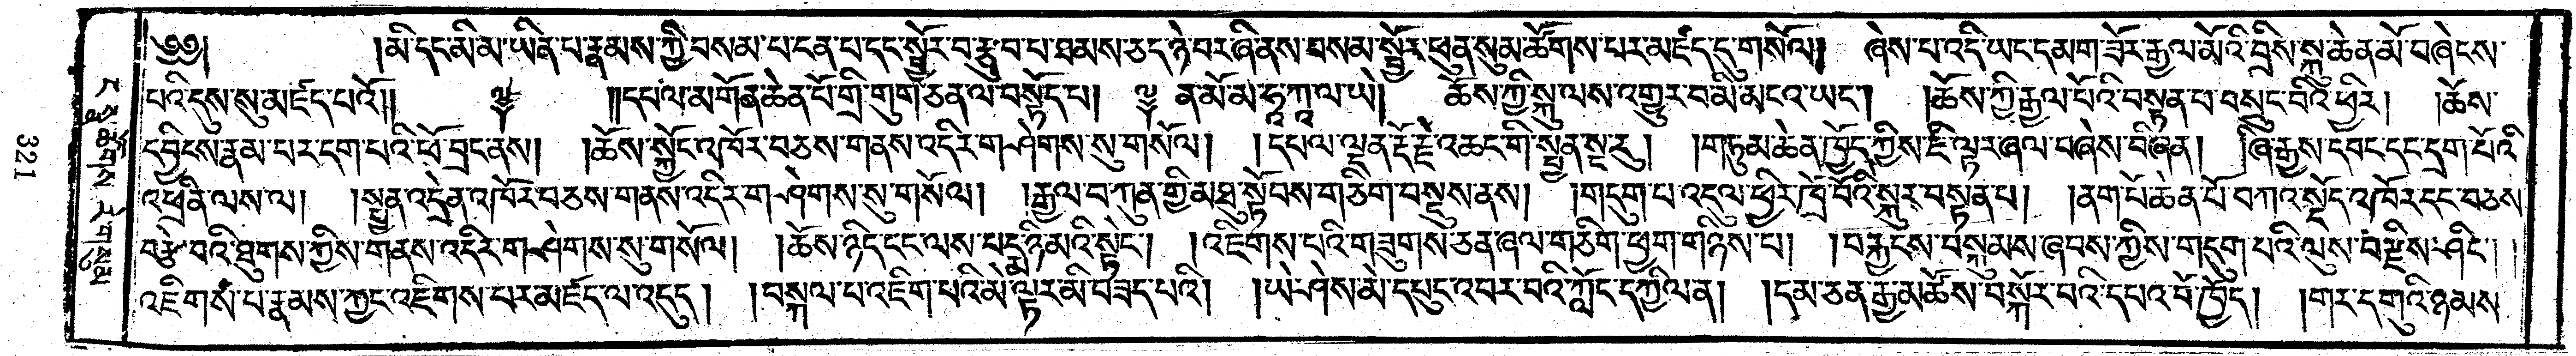༄༅། །མི་དང་མི་མ་ཡིན་པ་རྣམས་ཀྱི་བསམ་པ་ངན་པ་དང་སྦྱོར་བ་རྩུབ་པ་ཐམས་ཅད་ཉེ་བར་ཞི་ནས་བསམ་སྦྱོར་ཕུན་སུམ་ཚོགས་པར་མཛད་དུ་གསོལ། ཞེས་པ་འདི་ཡང་དམག་ཟོར་རྒྱལ་མོའི་བྲིས་སྐུ་ཆེན་མོ་བཞེངས་
པའི་དུས་སུ་མཛད་པའོ།། ༈ །།དཔལ་མགོན་ཆེན་པོ་གྲི་གུག་ཅན་ལ་བསྟོད་པ། ༈ ན་མོ་མ་ཧཱ་ཀཱ་ལ་ཡེ། ཆོས་ཀྱི་སྐུ་ལས་འགྱུར་བ་མི་མངའ་ཡང་། །ཆོས་ཀྱི་རྒྱལ་པོའི་བསྟན་པ་བསྲུང་བའི་ཕྱིར། །ཆོས་
དབྱིངས་རྣམ་པར་དག་པའི་ཕོ་བྲང་ནས། །ཆོས་སྐྱོང་འཁོར་བཅས་གནས་འདིར་གཤེགས་སུ་གསོལ། །དཔལ་ལྡན་རྡོ་རྗེ་འཆང་གི་སྦྱན་སྔ་རུ། །གཏུམ་ཆེན་ཁྱོད་ཀྱིས་ཇི་ལྟར་ཞལ་བཞེས་བཞིན། །ཞི་རྒྱས་དབང་དང་དྲག་པོའི་
འཕྲིན་ལས་ལ། །སྤྱན་འདྲེན་འཁོར་བཅས་གནས་འདིར་གཤེགས་སུ་གསོལ། །རྒྱལ་བ་ཀུན་གྱི་མཐུ་སྟོབས་གཅིག་བསྡུས་ནས། །གདུགས་པ་འདུལ་ཕྱིར་ཁྲོ་བོའི་སྐུར་བསྟན་པ། །ནག་པོ་ཆེན་པོ་བཀའ་སྡོད་འཁོར་དང་བཅས་
བརྩེ་བའི་ཐུགས་ཀྱིས་གནས་འདིར་གཤེགས་སུ་གསོལ། །ཆོས་ཉིད་ངང་ལས་པདམ་ཉི་མའི་སྟེང་། །འཇིགས་པའི་གཟུགས་ཅན་ཞལ་གཅིག་ཕྱག་གཉིས་པ། །བརྐྱངས་བསྐུམས་ཞབས་ཀྱིས་གདུག་པའི་ལུས་བརྫིས་ཤིང་།
འཇིགས་པ་རྣམས་ཀྱང་འཇིགས་པར་མཛད་ལ་འདུད། །བསྐལ་བ་འཇིག་མེ་ལྟར་མི་བཟད་པའི། །ཡེ་ཤེས་མེ་དཔུང་འབར་བའི་ཀློང་དཀྱིལ་ན། །དམ་ཅན་རྒྱ་མཚོས་བསྐོར་བའི་དཔའ་བོ་ཁྱོད། །གར་དགུའི་ཉམས་